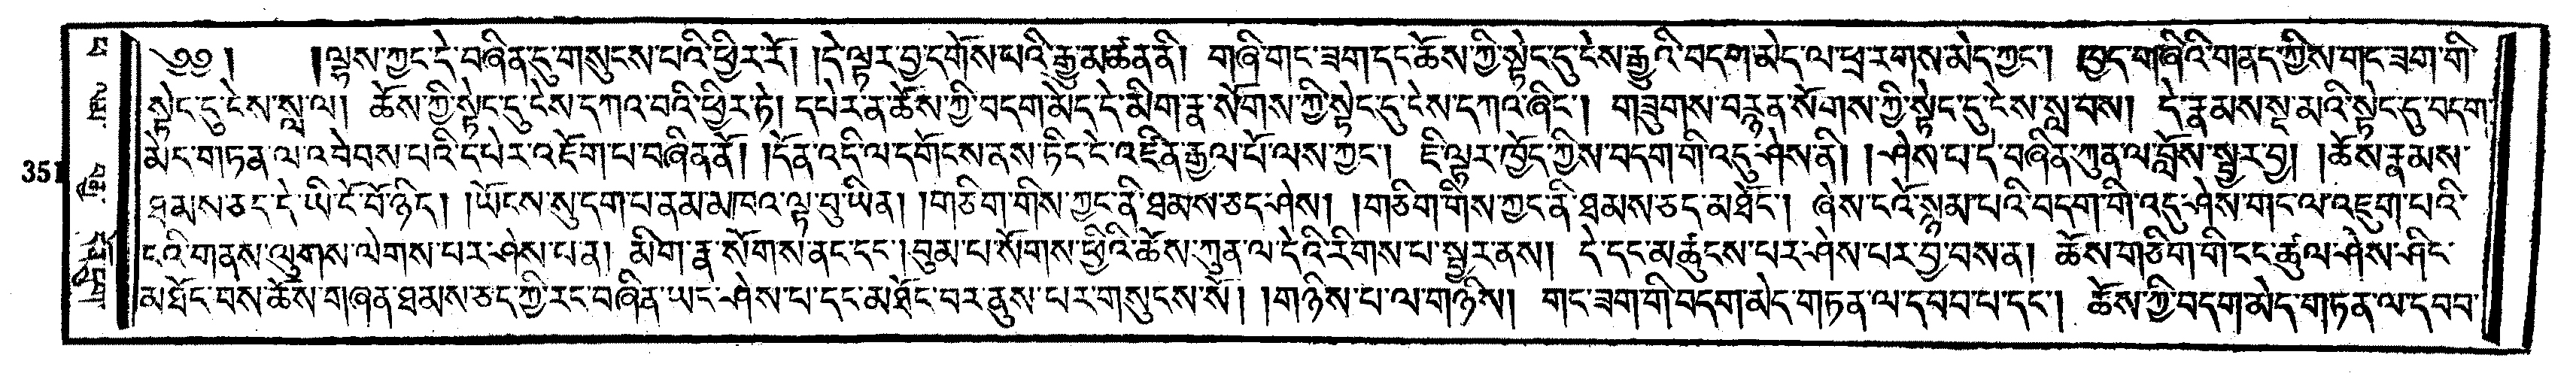༄༅། །ལྷས་ཀྱང་དེ་བཞིན་དུ་གསུངས་པའི་ཕྱིར་རོ། །དེ་ལྟར་བྱ་དགོས་པའི་རྒྱུ་མཚན་ནི། གཞི་གང་ཟག་དང་ཆོས་ཀྱི་སྟེང་དུ་ངེས་རྒྱུའི་བདག་མེད་ལ་ཕྲ་རགས་མེད་ཀྱང་། ཁྱད་གཞིའི་གནད་ཀྱིས་གང་ཟག་གི་
སྟེང་དུ་ངེས་སླ་ལ། ཆོས་ཀྱི་སྟེང་དུ་ངེས་དཀའ་བའི་ཕྱིར་ཏེ། དཔེར་ན་ཆོས་ཀྱི་བདག་མེད་དེ་མིག་རྣ་སོགས་ཀྱི་སྟེང་དུ་ངེས་དཀའ་ཞིང་། གཟུགས་བརྙན་སོགས་ཀྱི་སྟེང་དུ་ངེས་སླ་བས། དེ་རྣམས་སྔ་མའི་སྟེང་དུ་བདག་
མེད་གཏན་ལ་འབེབས་པའི་དཔེར་འཇོག་པ་བཞིན་ནོ། །དོན་འདི་ལ་དགོངས་ནས་ཏིང་ངེ་འཛིན་རྒྱལ་པོ་ལས་ཀྱང་། ཇི་ལྟར་ཁྱོད་ཀྱིས་བདག་གི་འདུ་ཤེས་ནི། །ཤེས་པ་དེ་བཞིན་ཀུན་ལ་བློས་སྦྱར་བྱ། །ཆོས་རྣམས་
ཐམས་ཅད་དེ་ཡི་ངོ་བོ་ཉིད། །ཡོངས་སུ་དག་པ་ནམ་མཁའ་ལྟ་བུ་ཡིན། །གཅིག་གིས་ཀྱང་ནི་ཐམས་ཅད་ཤེས། །གཅིག་གིས་ཀྱང་ནི་ཐམས་ཅད་མཐོང་། ཞེས་ངའོ་སྙམ་པའི་བདག་གི་འདུ་ཤེས་གང་ལ་འཇུག་པའི་
ངའི་གནས་ལུགས་ལེགས་པར་ཤེས་པ་ན། མིག་རྣ་སོགས་ནང་དང་། བུམ་པ་སོགས་ཕྱིའི་ཆོས་ཀུན་ལ་དེའི་རིགས་པ་སྦྱར་ནས། དེ་དང་མཚུངས་པར་ཤེས་པར་བྱ་བས་ན། ཆོས་གཅིག་གི་ངང་ཚུལ་ཤེས་ཤིང་
མཐོང་བས་ཆོས་གཞན་ཐམས་ཅད་ཀྱི་རང་བཞིན་ཡང་ཤེས་པ་དང་མཐོང་བར་ནུས་པར་གསུངས་སོ། །གཉིས་པ་ལ་གཉིས། གང་ཟག་གི་བདག་མེད་གཏན་ལ་དབབ་པ་དང་། ཆོས་ཀྱི་བདག་མེད་གཏན་ལ་དབབ་